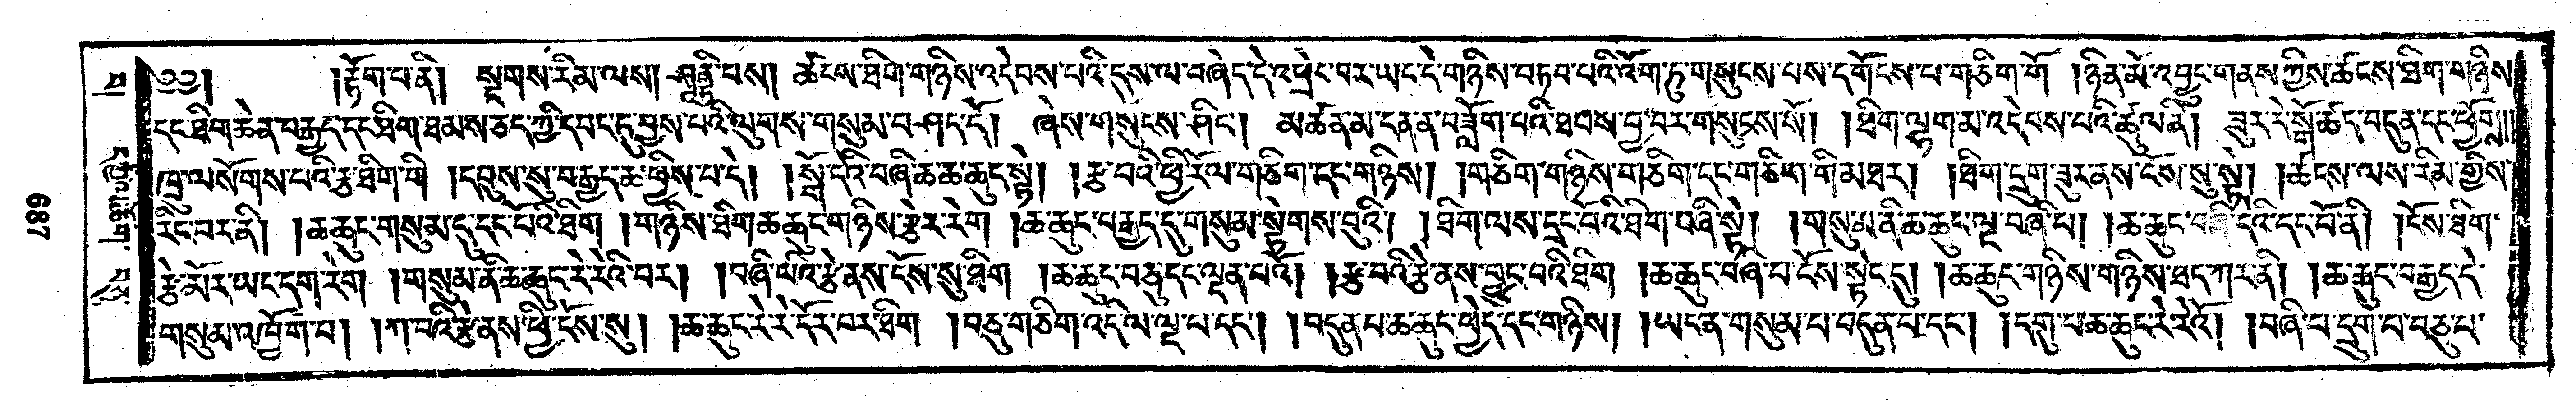༄༅། །རྟོག་པ་ནི། སྔགས་རིམ་ལས། ཤཱནྟི་པས། ཚངས་ཐིག་གཉིས་འདེབས་པའི་དུས་ལ་བཞེད་དེ་འཕྲེང་བར་ཡང་དེ་གཉིས་བཏབ་པའི་འོག་ཏུ་གསུངས་པས་དགོངས་པ་གཅིག་གོ །ཉིན་མོ་འབྱུང་གནས་ཀྱིས་ཚངས་ཐིག་གཉིས་
དང་ཐིག་ཆེན་བརྒྱད་དང་ཐིག་ཐམས་ཅད་ཀྱི་དབང་དུ་བྱས་པའི་ལུགས་གསུམ་བཤད་དོ། ཞེས་གསུངས་ཤིང་། མཚན་མ་ངན་ན་བཟློག་པའི་ཐབས་བྱ་བར་གསུངས་སོ། །ཐིག་ལྷག་མ་འདེབས་པའི་ཚུལ་ནི། ཟུར་རེ་སྒོ་ཚང་བདུན་དང་ཕྱོགས།
ཁྲུ་ལ་སོགས་པའི་རྩ་ཐིག་གི །དབུས་སུ་བརྒྱད་ཆ་ཕྱིས་པ་དེ། །སྒོ་དེའི་བཞི་ཆ་ཆ་ཆུང་སྟེ། །རྩ་བའི་ཕྱི་རོལ་གཅིག་དང་གཉིས། །གཅིག་གཉིས་གཅིག་དང་གཅིག་གི་མཐར། །ཐིག་དྲུག་ཟུར་ནས་ངོས་སུ་སྟེ། །ཚངས་ལས་རིམ་གྱིས་
རིང་བར་ནི། །ཆ་ཆུང་གསུམ་དུ་དང་པོའི་ཐིག །གཉིས་ཐིག་ཆ་ཆུང་གཉིས་རྩེར་རེག །ཆ་ཆུང་བརྒྱད་དུ་གསུམ་སྟེགས་བུའི། །ཐིག་ལས་དྲང་པོའི་ཐིག་བཞི་སྟེ། །གསུམ་ནི་ཆ་ཆུང་ལྔ་བཞི་པ། །ཆ་ཆུང་བཞི་དེའི་དང་པོ་ནི། །ངོས་ཐིག་
རྩེ་མོར་ཡང་དག་རེག །གསུམ་ནི་ཆ་ཆུང་རེ་རེའི་བར། །བཞི་པའི་རྩེ་ནས་ངོས་སུ་ཐིག །ཆ་ཆུང་བཅུ་དང་ལྡན་པའོ། །རྩ་བའི་རྩེ་ནས་བྱུང་བའི་ཐིག །ཆ་ཆུང་བཞི་པ་ངོས་སྟེང་དུ། །ཆ་ཆུང་གཉིས་གཉིས་ཐད་ཀར་ནི། །ཆ་ཆུང་བརྒྱད་དེ་
གསུམ་འཁྱོག་པ། །ཀ་བའི་རྩེ་ནས་ཕྱི་ངོས་སུ། །ཆ་ཆུང་རེ་རེ་དོར་བར་ཐིག །བཅུ་གཅིག་འདི་ལ་ལྔ་པ་དང་། །བདུན་པ་ཆ་ཆུང་ཕྱེད་དང་གཉིས། ཡང་ན་གསུམ་པ་བདུན་པ་དང་། །དགུ་པ་ཆ་ཆུང་རེ་རེའོ། །བཞི་པ་དྲུག་པ་བཅུ་པ་